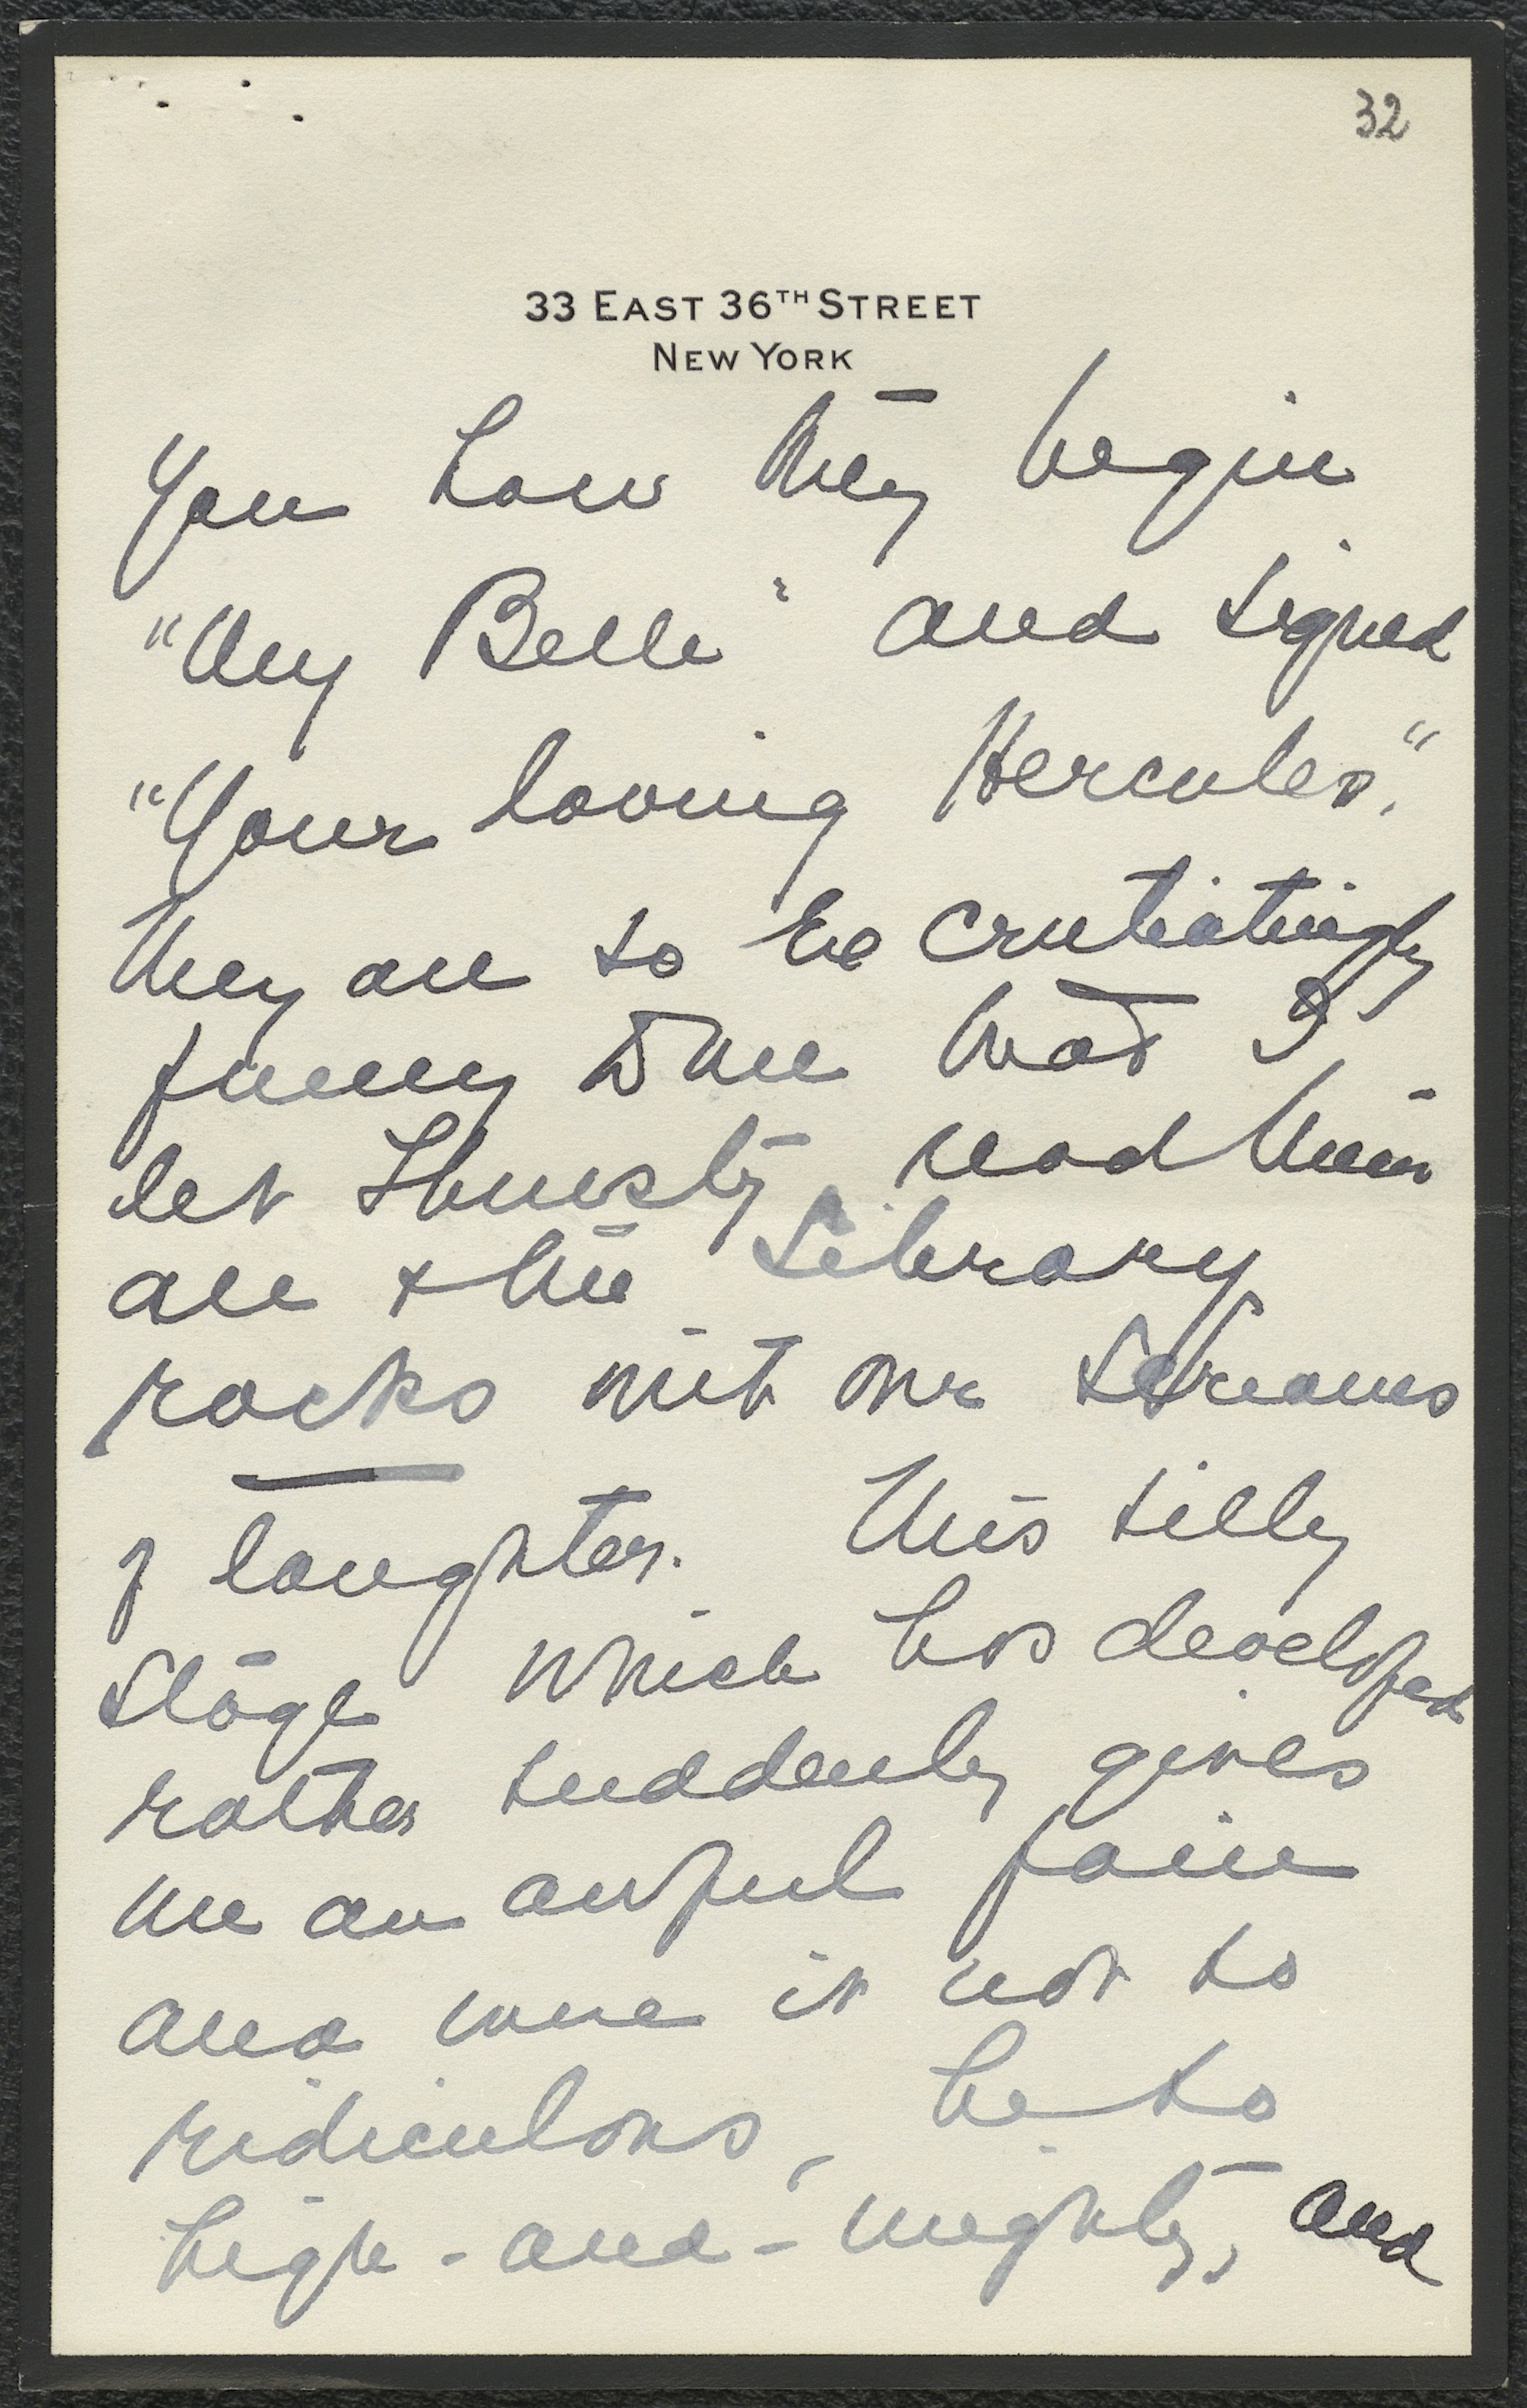you how they begin “my Belle” and signed “your loving Hercules.” They are so excruciatingly funny to me that I let Thursty read them all & the Library rocks with our screams of laughter. This silly stage which has developed rather suddenly gives me an awful pain and were it not so ridiculous, he so high-and-mighty, and